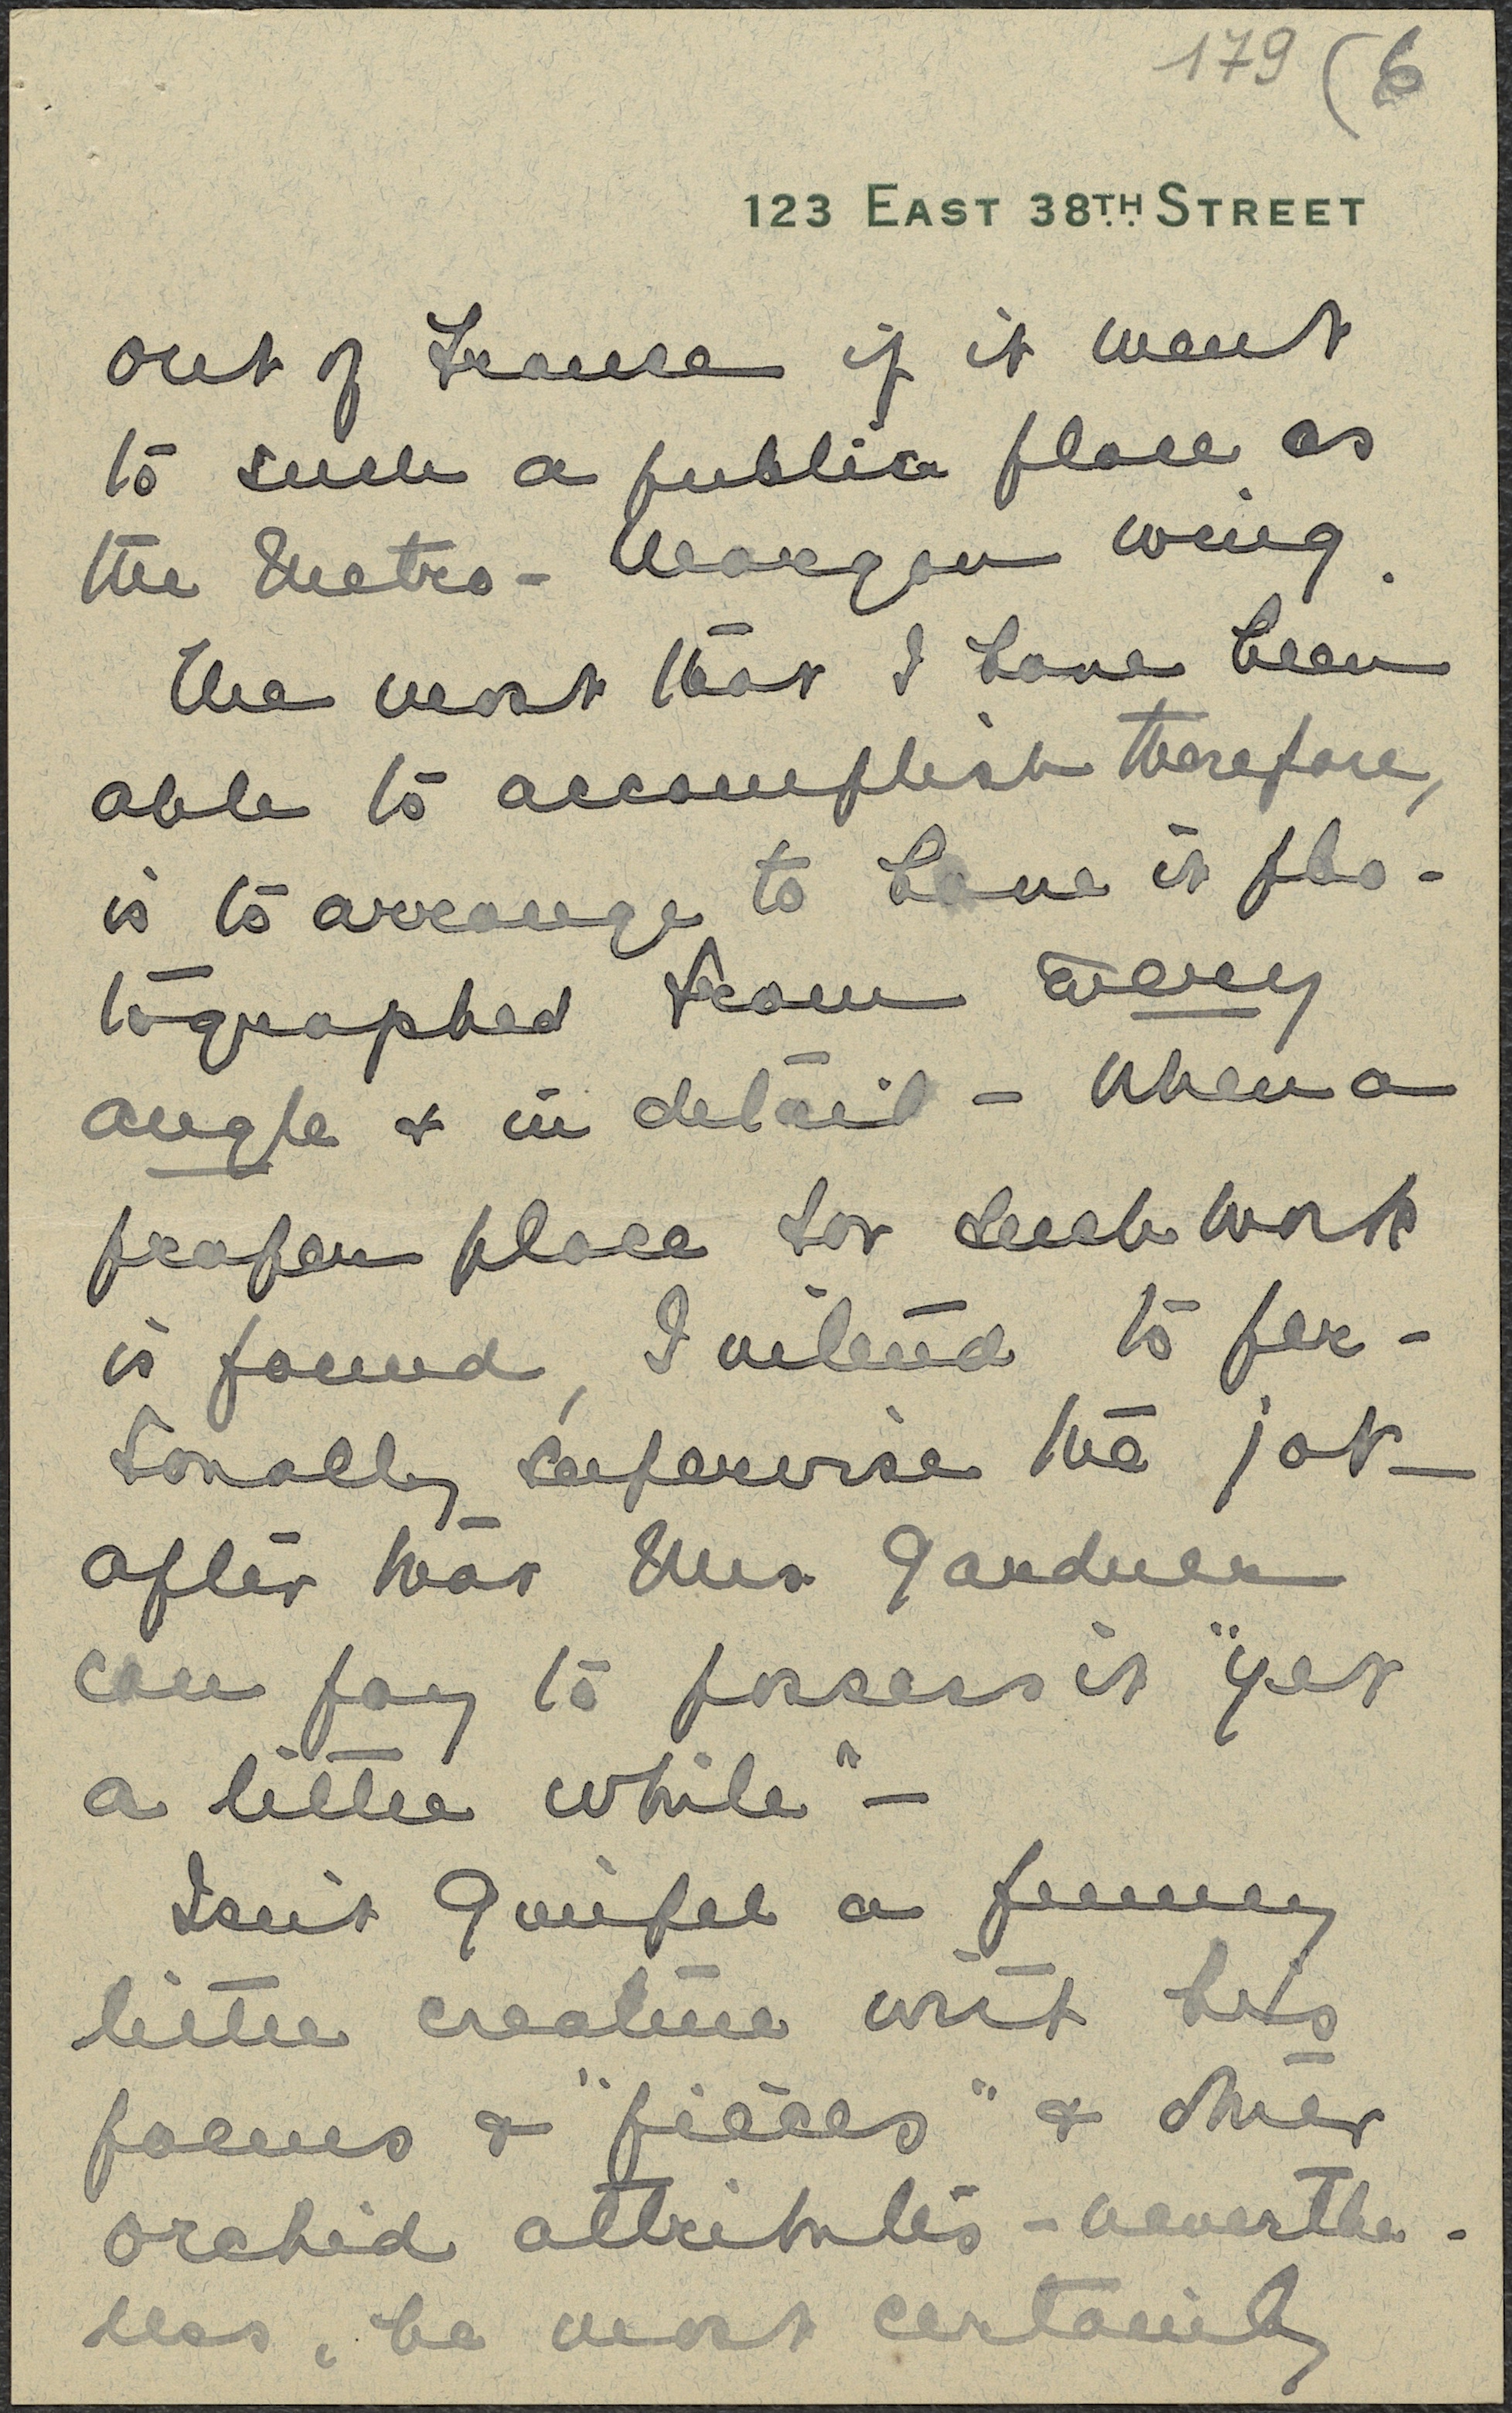6)
out of France if it went to such a public place as the Metro-Morgan wing.
The most that I have been able to accomplish therefore, is to arrange to have it photographed from every angle & in detail – When a proper place for such work is found, I inted to personally supervise the job – After that Mrs. Gardner can pay to possess it "yet a little while" –
Isn't Gimpel a funny little creature with his palms &"pieces" & other orchid attributes – nevertheless, he most certainly